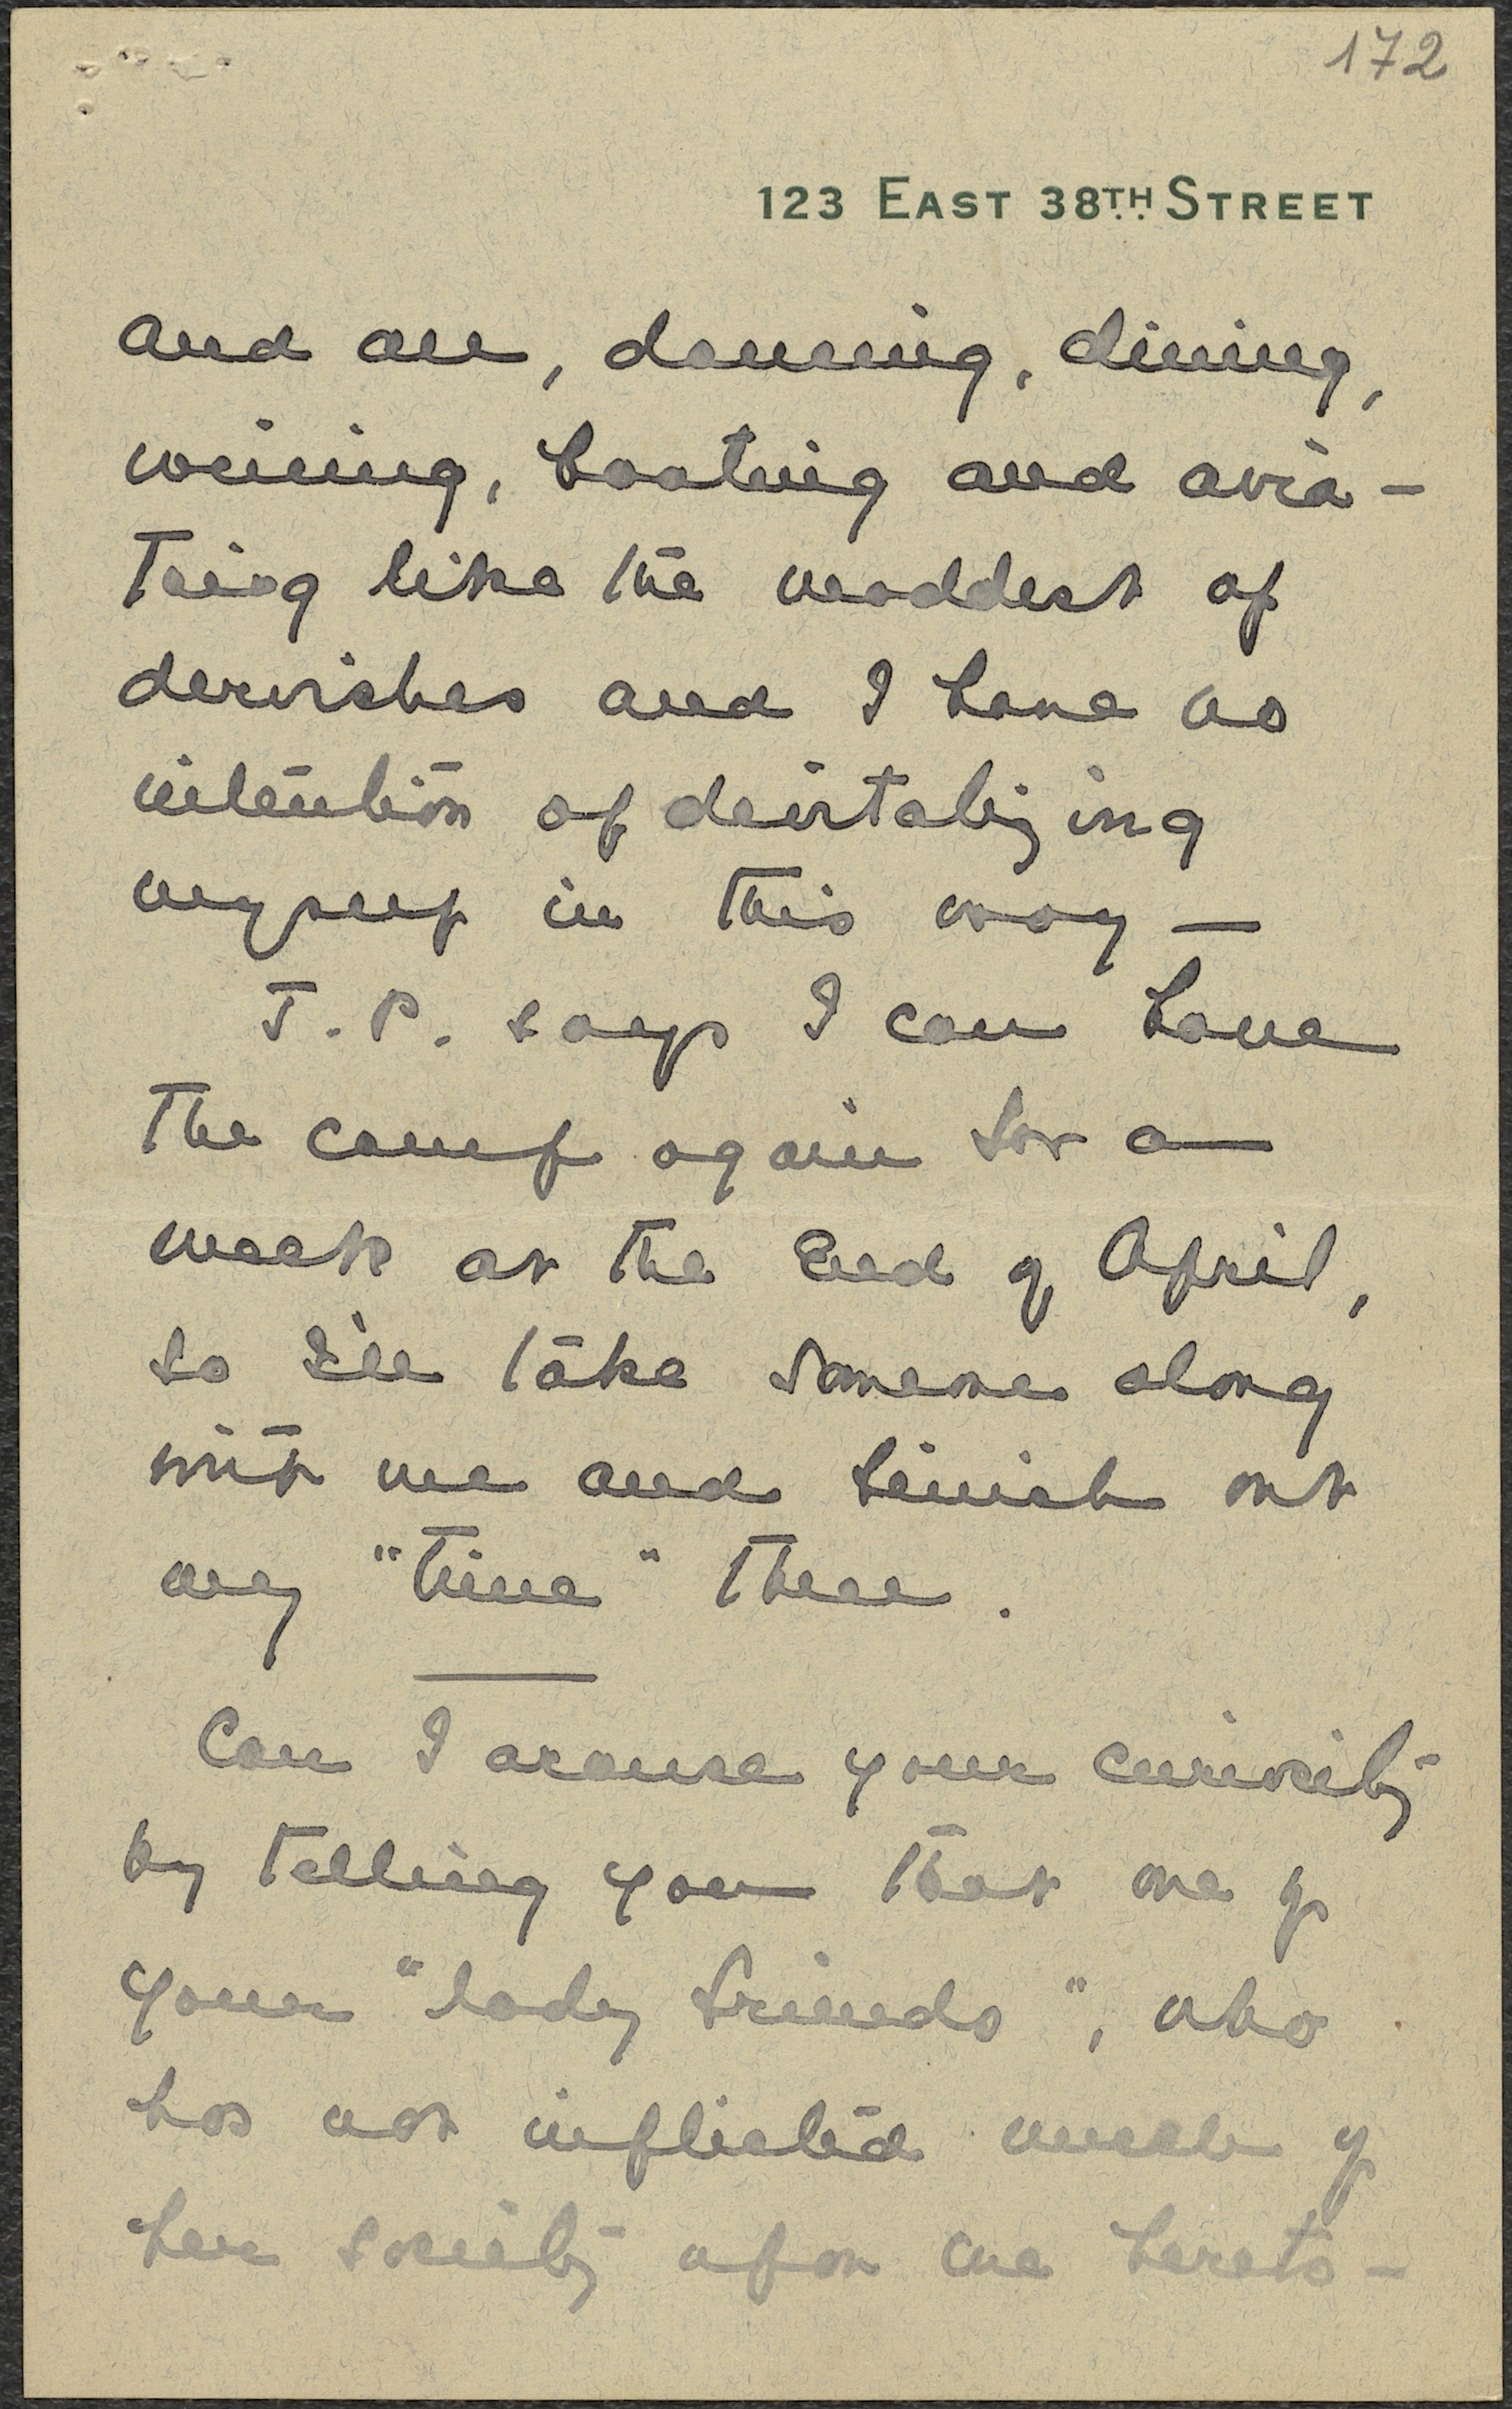and all, dancing, dining, wining, boating and aviating like the maddest of dervishes and I have no intent of devitalizing myself in this way –
J.P. says I can have the camp again for a week at the end of April, so I'll take someone along with me and finish out my "time" there.
Can I amuse your curiosity by telling you that one of your "lady friends," who has not inflicted much of her society upon me heretofore,